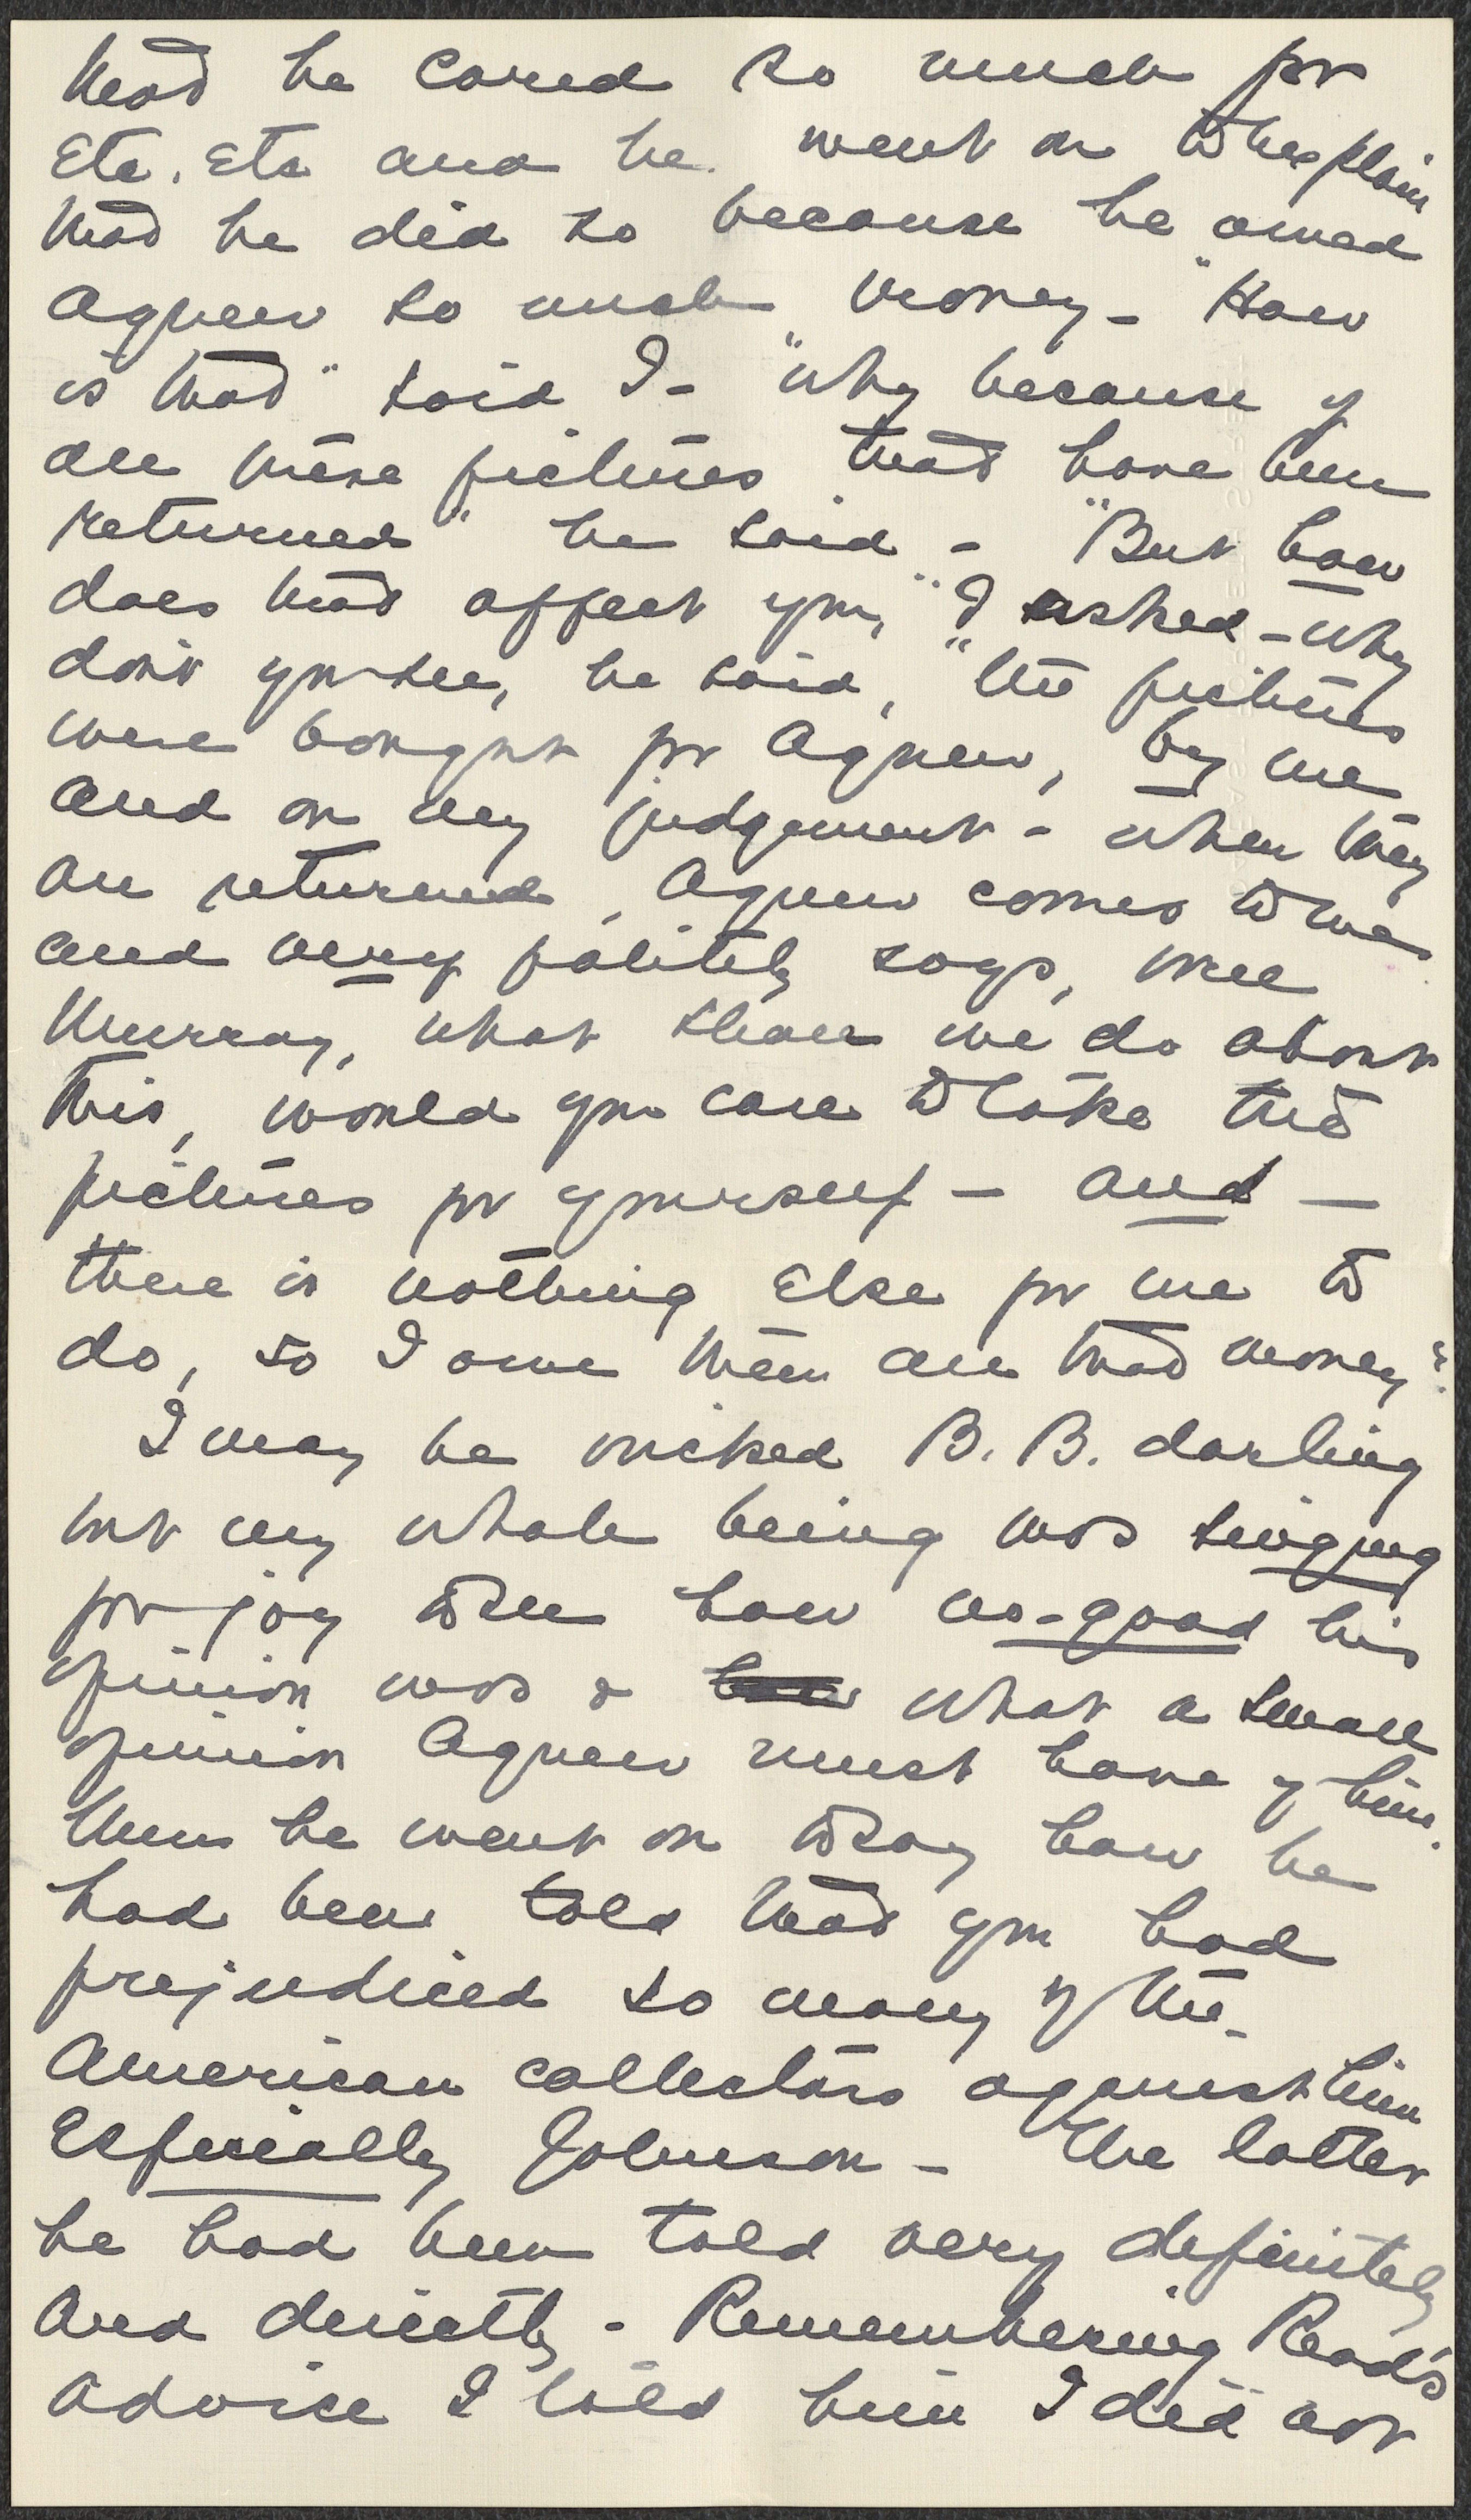that he cared so much for etc. etc and he went on to explain that he did so because he owed Agnew so much money – "How is that" said I – "why because of all these pictures that have been returned" he said – "But how does that affect you," I asked – why don't you see, he said, "the pictures were bought for Agnew, by me and on my judgement – when they are returned, Agnew comes to me and very politely says, well Murray, what shall we do about this, would you care to take the pictures for yourself – and – there is nothing else for me to do, so I owe them all that money?
I may be wicked B.B. darling but my whole being was singing for joy to see how no-good his opinion was & how what a small opinion Agnew must have of him. Then he went on to say how he had been told that you had prejudiced so many of the American collectors against him especially Johnson – The latter he had been told very definitely and directly – Remembering Read's advice I told him I did not